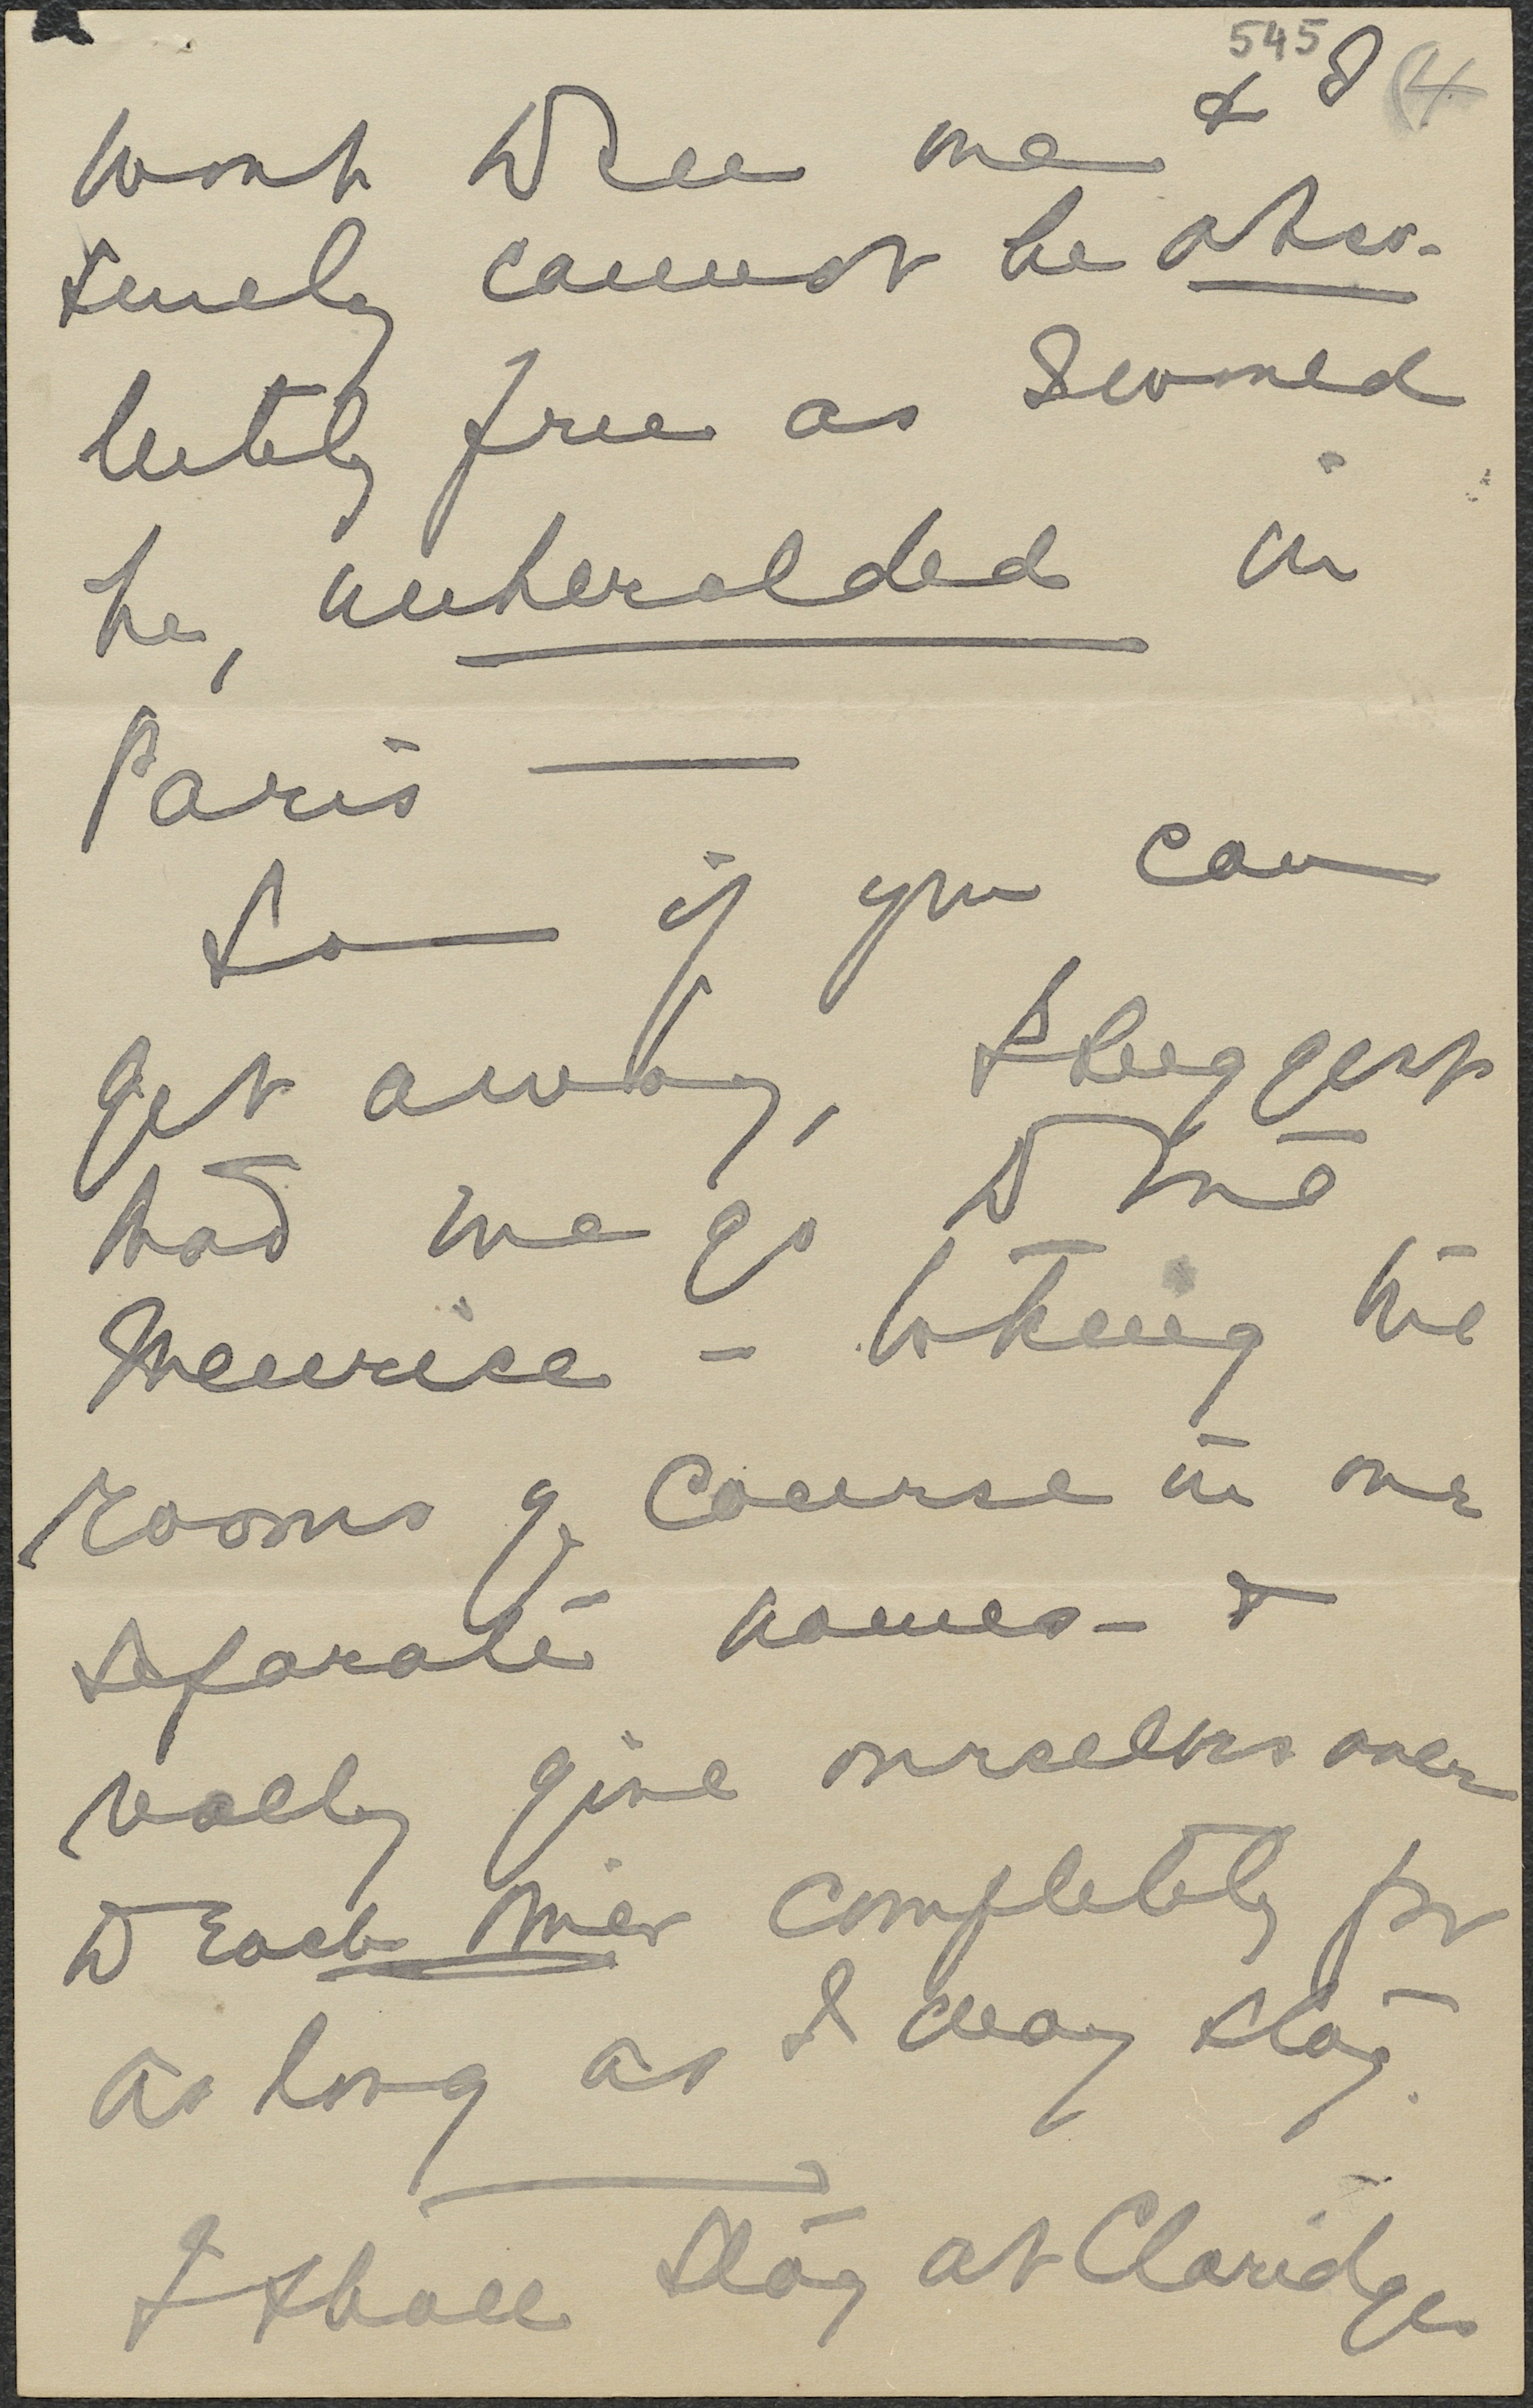want to see me & I surely cannot be absolutely free as I would be, unheralded in Paris –
So – if you can get away, I suggest that we go to the Meurice – taking the rooms of course in our separate names – & really give ourselves over to [double underlined: each other] completely for as long as I may stay.
I shall stay at Claridges